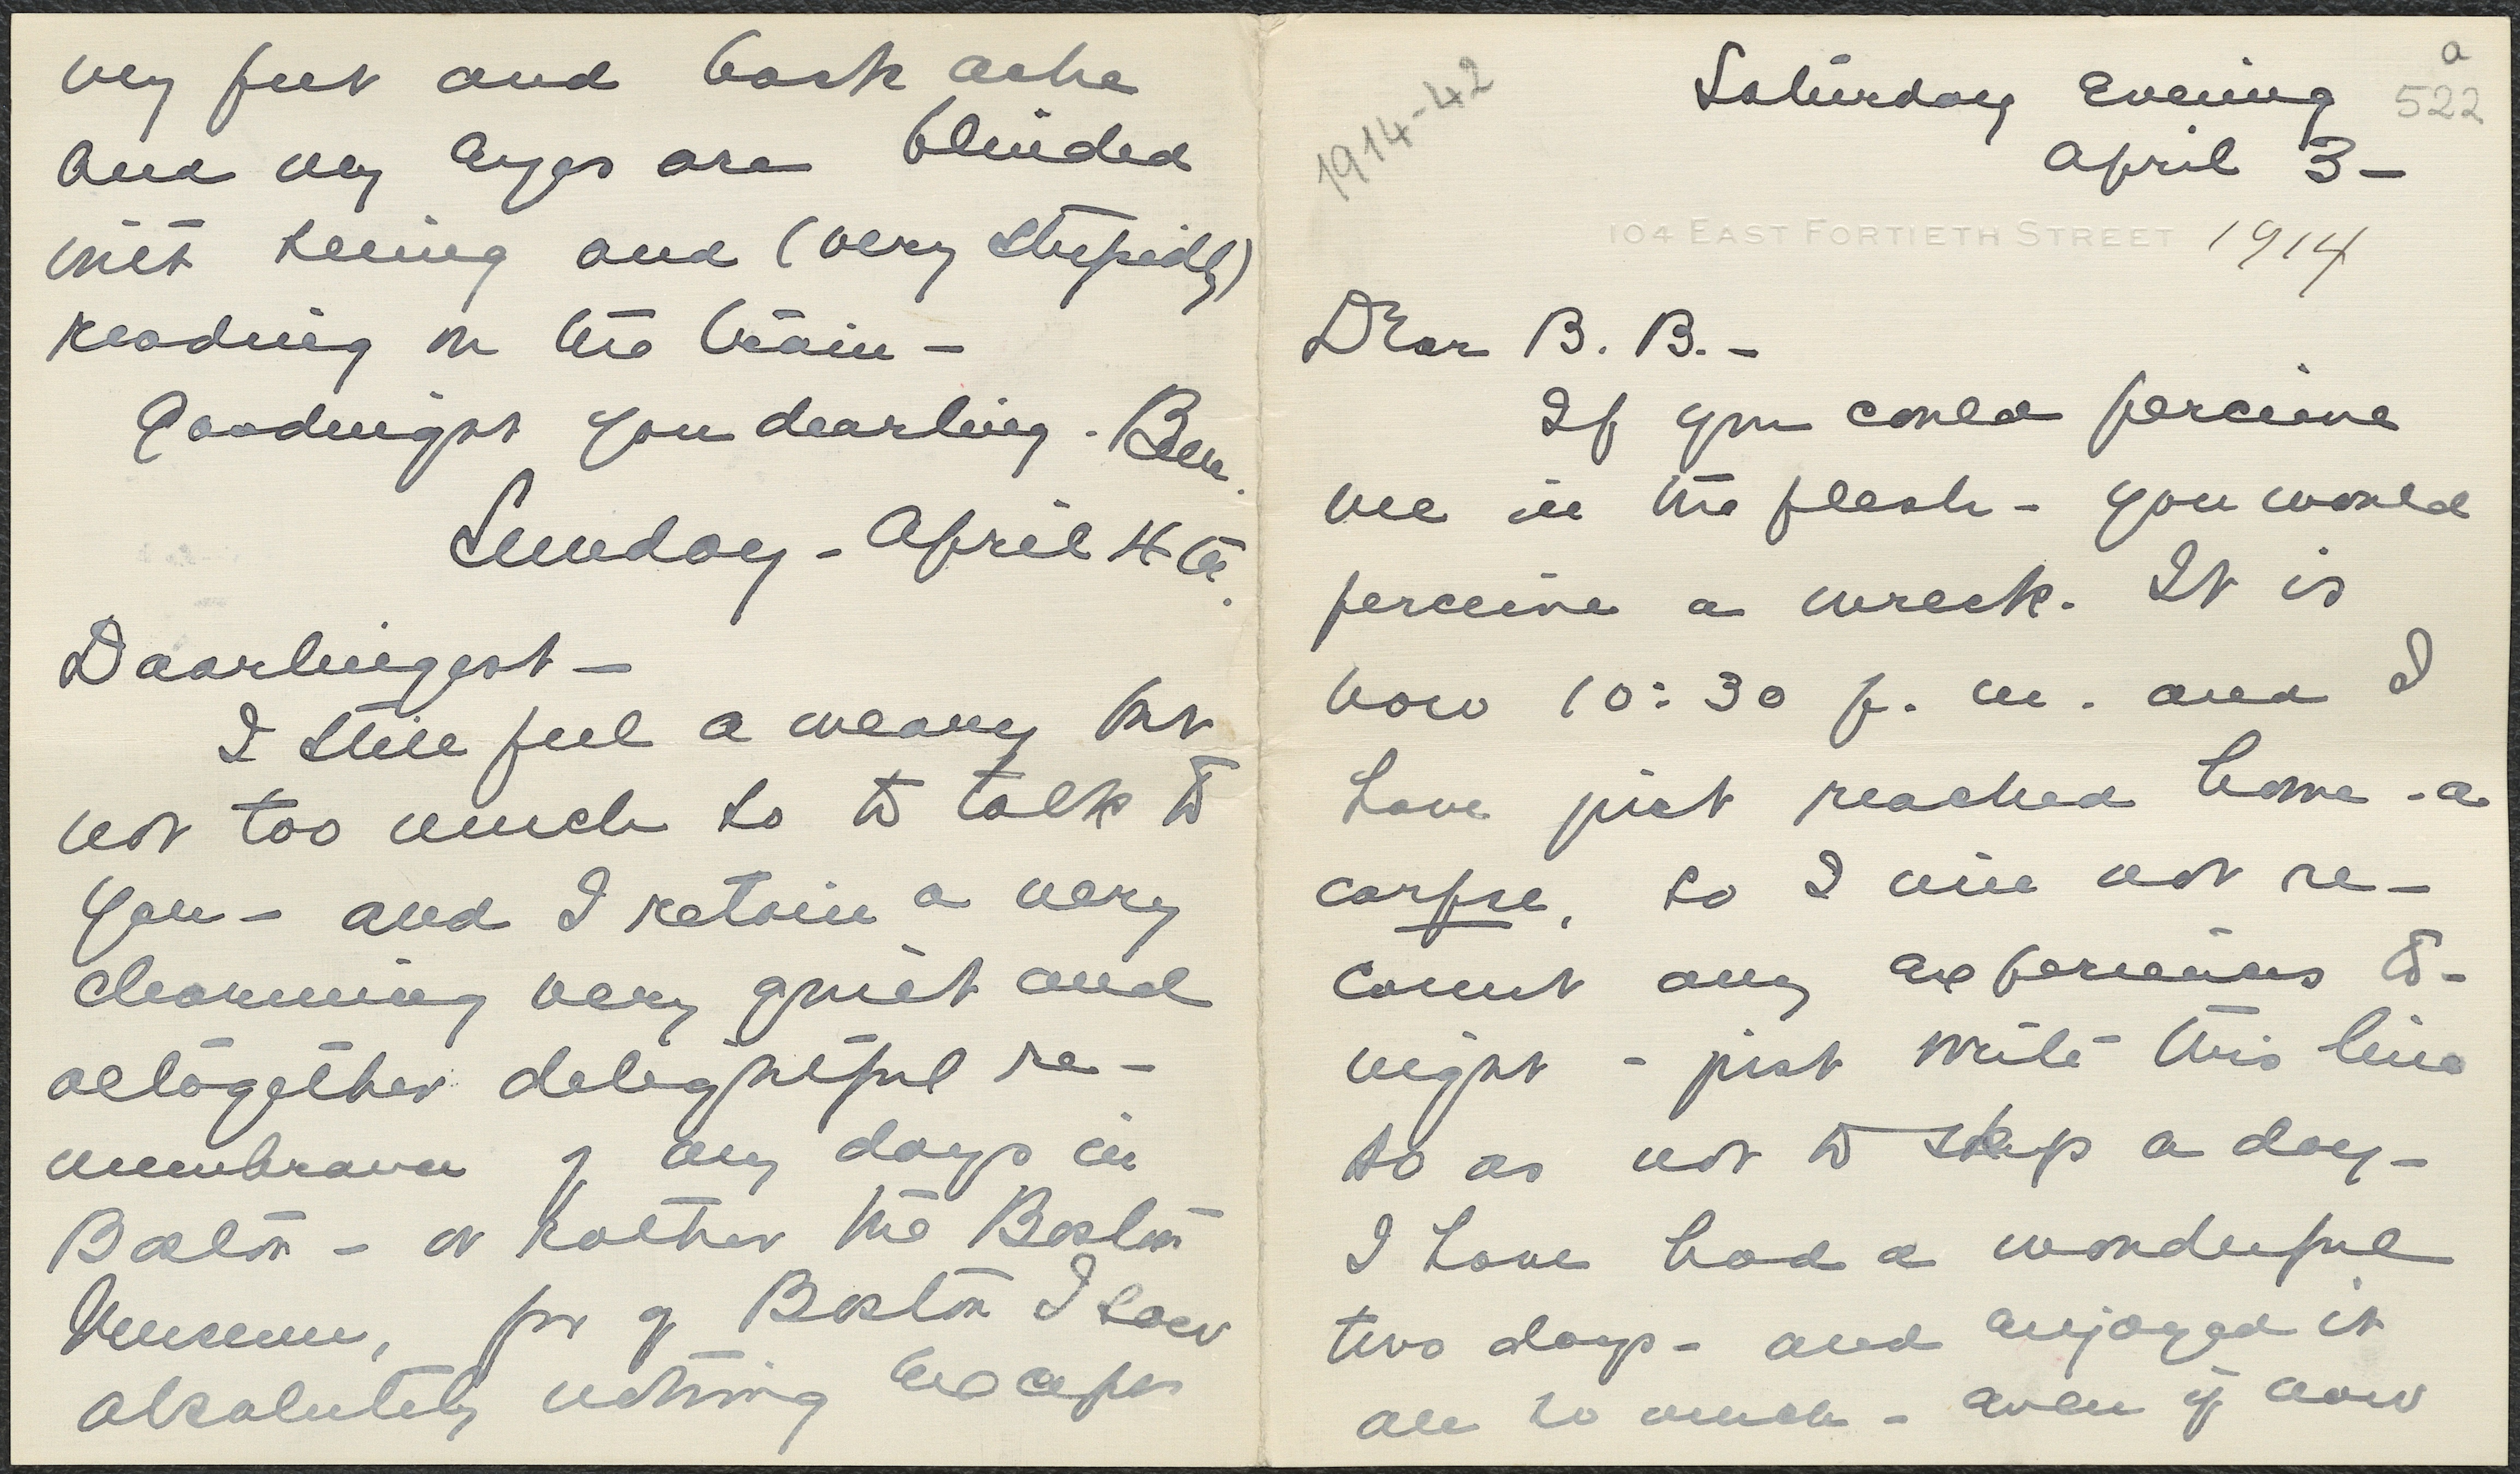Saturday evening
April 3 –
Dear B.B. –
If you could perceive me in the flesh – you would perceive a wreck. It is now 10:30 p.m. and I have just reached home – a corpse, so I will not recount any experiences tonight – just write this line so as not to skip a day – I have had a wonderful two days – and enjoyed it all so much – even if now
my feet and back ache and my eyes are blinded with seeing and (very stupidly) reading on the train –
Goodnight you dearling – Belle.
Sunday – April 4th.
Daarlingest –
I still feel a weary but not too much so to talk to you – and I retain a very charming very quiet and altogether delightful remembrance of my days in Boston – or rather the Boston Museum, for of Boston I saw absolutely nothing except